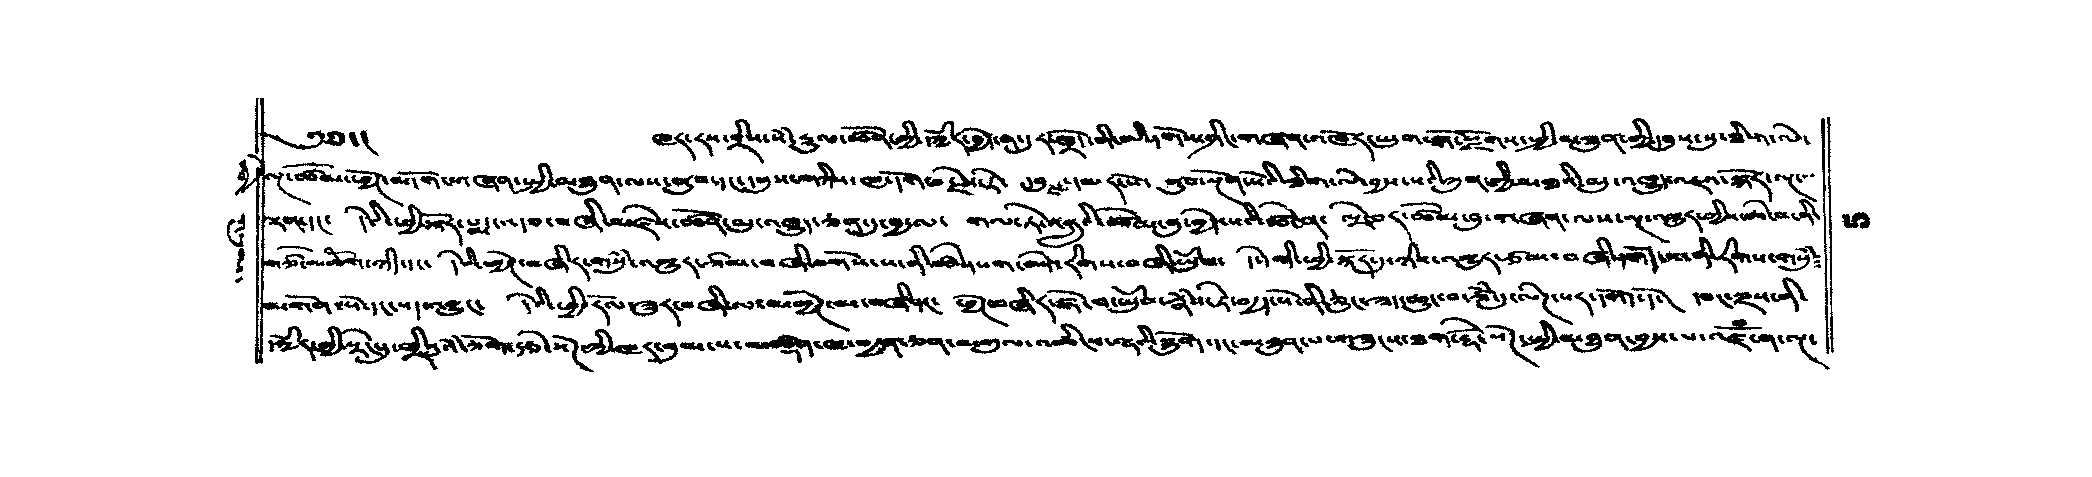ཁར་རས་བྲིས་སམ་རྡྱལ་ཚོན་གྱི་དཀྱིལ་འཁོར་བྱེད་ན་དུར་ཁྲོད་ནི་མི་དགོས་ཤིང་གཞན་འཁོར་ཡུག་གོ་རྫོགས་སྤྱི་མཐུན་གྱི་དབུས་སུ་ཐིག་ལེ་
ལྔ་ཚོམ་ཕྱོགས་མདོག་གཞན་སྤྱི་མཐུན་ལས་ནུབ་དང་དབུས་གཉིས་ཁ་དོག་བརྗེས་ཏེ། དབུས་དམར་པོ། ནུབ་སྔོན་པོའི་ཐིག་ལེ་བྱས་པའི་ཀུན་གྱི་མཐའི་མུ་འཁྱུད་འཇའ་སྐོར་ལྔ་
ལྡན་དང་། དེའི་ཕྱི་ནོར་པདྨ་འདབ་བཞི་མཛེས་ཚོན་མུ་འཁྱུད་ཅན་དུ་བྱ་ལ། གལ་ཏེ་འགྲུའི་ཚོམ་བུ་བྱེད་པའི་ཚེ་ན། ལྟེ་བར་ཚོམ་བུ་གཟན་ལས་ལྔ་བསྐུར་གྱིས་ཚེ་བ་ནི་
གཙོ་མཆོག་ཉིད་དང་། དེའི་ཕྱོགས་བཞིར་གསུམ་འགྱུར་ཙམ་བཞི་བགོས་པ་ནི་ཚེ་དཔག་མེད་རིགས་བཞི་ཡབ་ཡུམ། དེ་དག་གི་ཕྱི་སྐོར་དུ་ཉིས་འགྱུར་ཙམ་བཞི་དགོད་པ་ནི་རིགས་གསུམ་
མགོན་པོ་དང་པད་འབྱུང་། དེའི་ཕྱིར་རོལ་ཟུར་བཞི་ལ་མགྱོགས་མ་བཞི་དང་། ཕྱོགས་བཞིར་སྒོ་བ་ཡབ་ཡུམ་རྣམས་ཏེ་བརྒྱད་པོ་ནི་ཅུང་ཟད་ཆུང་བ་ཙམ་དུ་ལེགས་པར་དགོད་དོ། དབང་རྫས་ནི་
དཀྱིལ་འཁོར་གྱི་སྟེང་དུ་ཁྲིས་སུའམ་ཅོག་རྩེ་སོགས་ཀྱི་ཁར་བུམ་པ་མཚན་ལྡན་ཁ་བརྒྱན་ཅན་མགུལ་འཆིངས་ལྷའི་སྐུ་མདོག་དང་མཐུན་པ་གཟུངས་ཐག་རྡོ་རྗེ་སོགས་སྤྱི་མཐུན་བྱས་པ་འཇོམ་ན་ལྔ་